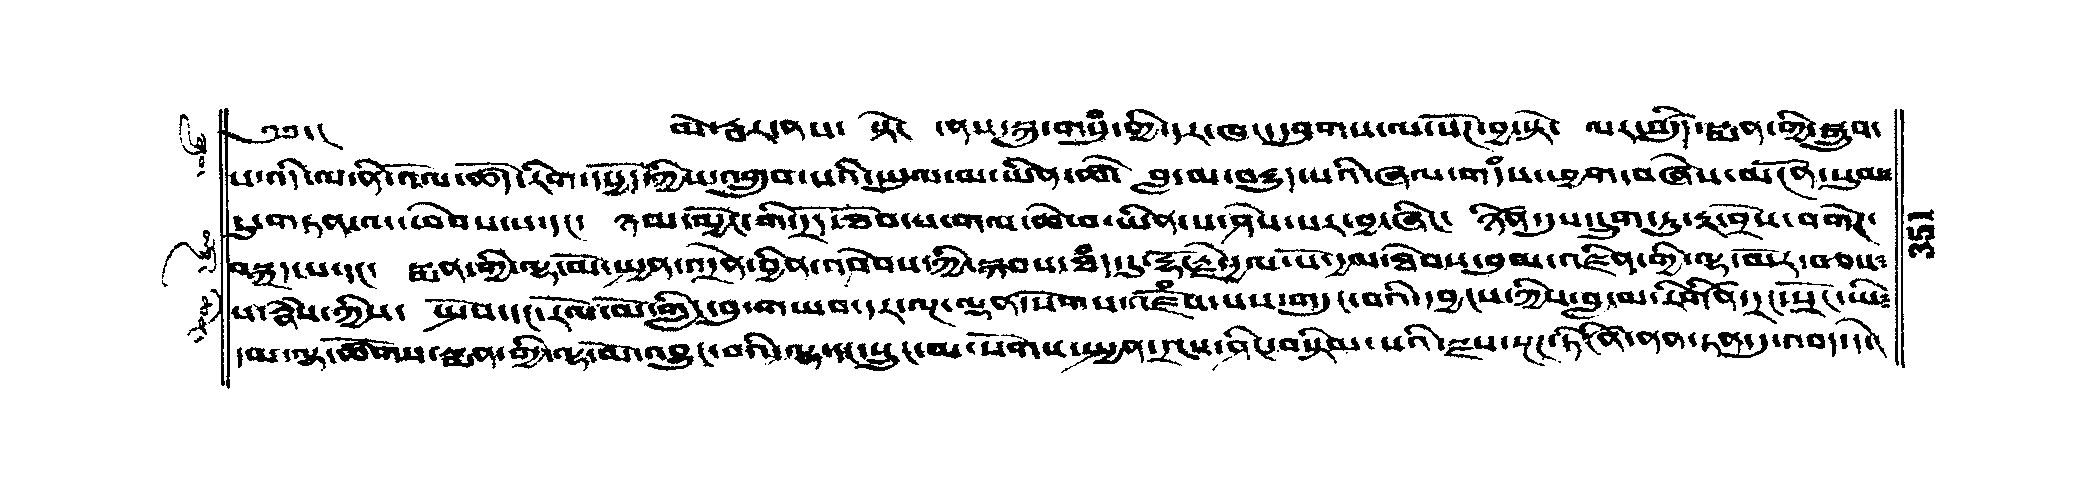མེ་སྦར་ནས། སྟེང་ནས་སྐུ་གསུམ་གྱི་དར་ཁང་དབུགསལ་སོགས་བྱ་སྟེ། ལར་བདུད་རྩི་སྨན་གྱི་སྒྲུབ་
པ་འདི་ལ་ནི་འོལ་ཚོད་རིག་དཔྱོད་ཀྱིས་་འགྲུབ་པའི་སྤྲུལ་མ་ཡིན་ཚེ།བླ་མ་བརྒྱུད་པའི་ཞལ་གདམས་ཕྱག་བཞེས་མངོན་སུམ་
དུ་གཏན་ལ་ཕེབས་པ་དང་། ཉམས་མྱོང་གི་དྲོད་ཐཽབ་པ་གལ་ཆེ་བ་ཡིན་པ་ཤེས་པར་བྱ་ཞིང་། ཉིན་མཚན་དུས་དྲུག་ཏུ་རྟ་བྲོ་བགེགས་
བསྐྲད་པ་དང་། སྨན་གྱི་ལྷ་མོ་སྤྱན་འདྲེན་བྱིན་འབེབས་ཀྱི་སྐབས་ཐམས་ཅད་དུ་རྡོ་རྗེ་རྒྱལ་པོ་རྒྱལ་ཐེབས་བུམ་འཛིན་གྱི་ལྷ་མོར་བཅས་
པ་རྣམས་ཀྱིས་སྤོས་དང་རོལ་མོ་གླིང་བུ་གཡབ་དར་ལྔ་ལྡན་སོགས་འཛོམས་པས་གདུང་བའི་དབྱངས་ཀྱིས་བླ་མ་རིག་འཛིན་དྲང་སྲོང་ཡི་
དམ་ལྷ་ཚོགས་སྨན་གྱི་ལྷ་མོ་འབྱུང་བའི་ལྷ་དང་སྲུང་མ་སོགས་སྤྱན་དྲངས་ཤིང་བསྟིམ་པའི་རྫས་སྔགས་ཏིང་འཛིན་ནན་ཏན་དུ་འབད་དེ་